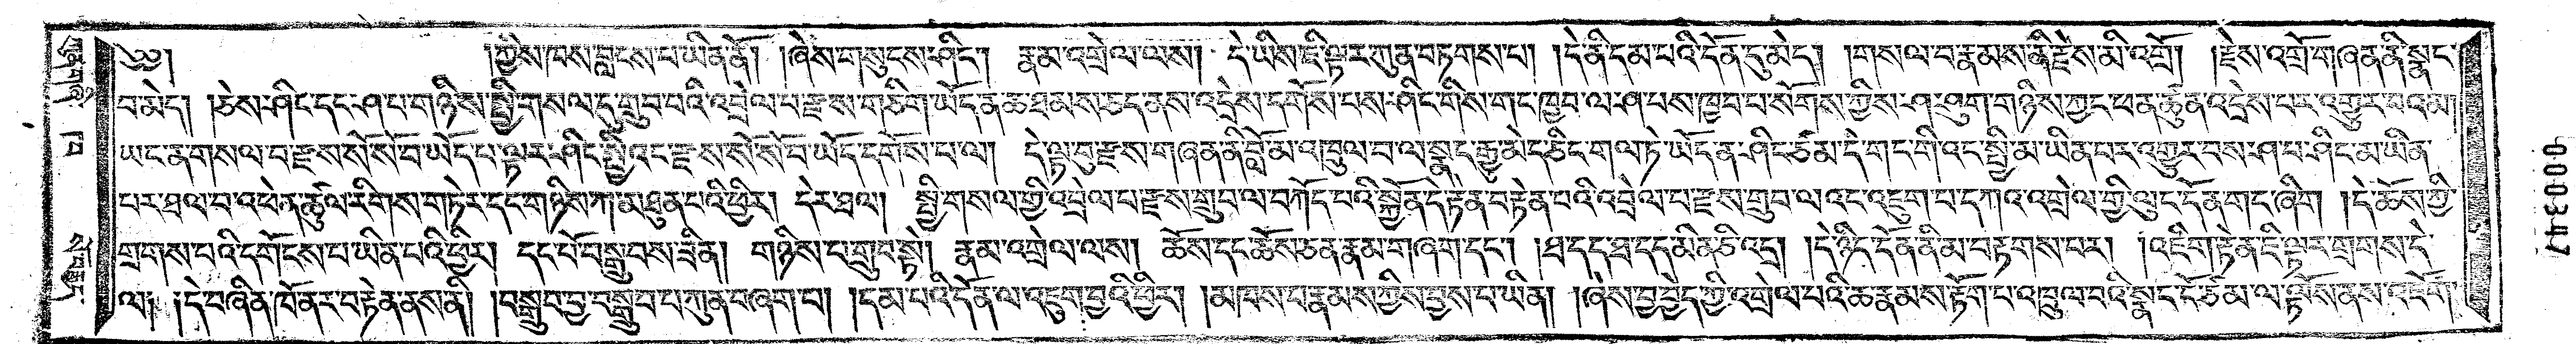༄༅། །ཀྱིས་ཁས་བླངས་པ་ཡིན་ནོ། །ཞེས་གསུངས་ཤིང་། རྣམ་འགྲེལ་ལས། དེ་ཡིས་ཇི་ལྟར་ཀུན་བཏགས་པ། །དེ་ནི་དམ་པའི་དོན་དུ་མེད། །གསལ་བ་རྣམས་ནི་རྗེས་མི་འགྲོ། །རྗེས་འགྲོ་གཞན་ནི་སྣང་
བ་མེད། །ཅེས་ཤིང་དང་ཤ་བ་གཉིས་སྤྱི་གསལ་དུ་གྲུབ་པའི་འབྲེལ་པ་རྫས་གཅིག་ཡོད་ན་ཆ་ཐམས་ཅད་ནས་འདྲེས་དགོས་པས་ཤིང་གིས་གང་ཁྱབ་ལ་ཤ་པས་ཁྱབ་པ་སོགས་ཀྱིས་ཤ་ཤུག་གཉིས་ཀྱང་ཕན་ཚུན་འདྲེས་པར་འགྱུར་པར?
ཡང་ན་གསལ་བ་རྫས་སོ་སོ་པ་ཡོད་པ་ལྟར་ཤིང་སྤྱིའང་རྫས་སོ་སོ་བ་ཡོད་དགོས་པ་ལ། དེ་ལྟ་བུ་རྫས་གཞན་ནི་བློ་མ་འཁྲུལ་པ་ལ་སྣང་རྒྱུ་མེད་ཅིང་གལ་ཏེ་ཡོད་ན་ཤིང་ཙམ་དེ་གང་གིའང་སྤྱི་མ་ཡིན་པར་འགྱུར་བས་ཤ་པ་ཤིང་མ་ཡིན་
པར་ཐལ་བ་འཕེན་ཚུན་རིགས་གཏེར་དང་གཉིས་ཀ་མཐུན་པའི་ཕྱིར། དེར་ཐལ། སྤྱི་གསལ་གྱི་འབྲེལ་པ་རྫས་གྲུབ་ལ་བཀོད་པའི་སྐྱོན་དེ་རྟེན་བརྟེན་པའི་འབྲེལ་བ་རྫས་གྲུབ་ལའང་འཇུག་བ་དཀའ་འགྲེལ་གྱི་ལུང་དོན་གང་ཞིག །དེ་ཆོས་ཀྱི་
གྲགས་པའི་དགོངས་པ་ཡིན་པའི་ཕྱིར། དང་པོ་བསྒྲུབས་ཟིན། གཉིས་པ་གྲུབ་སྟེ། རྣམ་འགྲེལ་ལས། ཆོས་དང་ཆོས་ཅན་རྣམ་གཞག་དང་། །ཐ་དད་ཐ་དད་མིན་ཅི་འདྲ། །དེ་ཉིད་དོན་ནི་མ་བརྟགས་པར། །འཇིག་རྟེན་ཇི་ལྟར་གྲགས་དེ་
ལ༑ ༑དེ་བཞིན་ཁོ་ནར་བརྟེན་ནས་ནི། །བསྒྲུབ་བྱ་བསྒྲུབ་པ་ཀུན་བཞག་པ། །དམ་པའི་དོན་ལ་འཇུག་བྱའི་ཕྱིར། །མཁས་པ་རྣམས་ཀྱིས་བྱས་པ་ཡིན། །ཞེས་བྱ་བྱེད་ཀྱི་འགྲེལ་པའི་ཆ་རྣམས་རྟོག་པ་འཁྲུལ་བའི་སྣང་ངོ་ཙམ་ལ་ལྟོས་ནས་འཇོག་